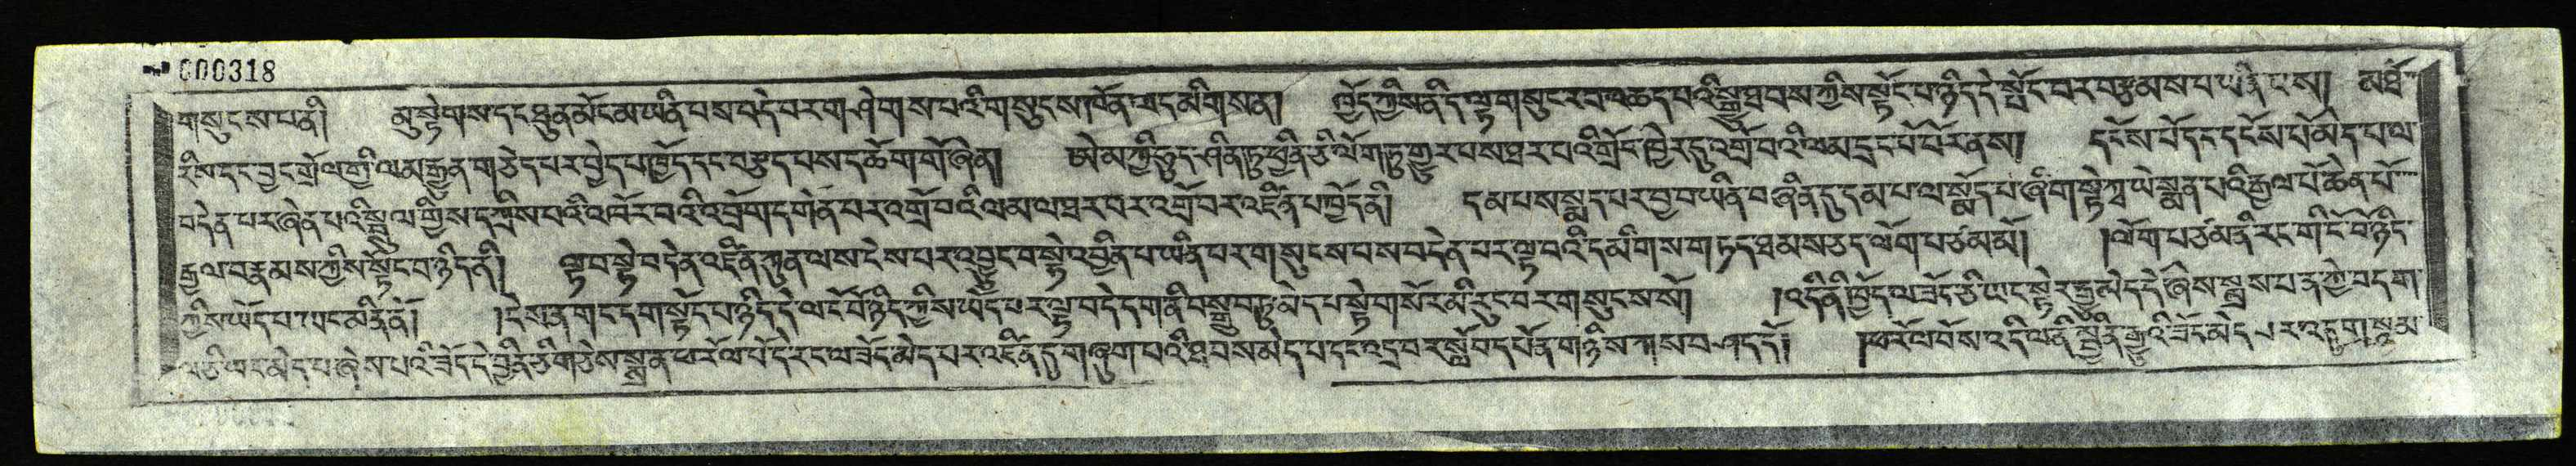གསུངས་པ་ནི། མུ་སྟེགས་དང་ཐུན་མོང་མ་ཡིན་པས་བདེ་བར་གཤེགས་པའི་གསུངས་ཁོ་ན་ལ་དམིགས་ན། ཁྱོད་ཀྱིས་ནི་ད་ལྟ་གསུང་རབ་འཆད་པའི་སྒྱུ་ཐབས་ཀྱིས་སྟོང་པ་ཉིད་དེ་སྤོང་བར་བརྩམས་པ་ཡིན་པས། མཐོ་
རིས་དང་བྱང་གྲོལ་གྱི་ལམ་རྒྱུན་གཅོད་པར་བྱེད་པ་ཁྱོད་དང་བརྩད་པས་ད་ཆོག་གོ་ཞེ་ན། ཨེ་མ་ཀྱི་ཧུད་ཤིན་ཏུ་ཕྱིན་ཅི་ལོག་ཏུ་གྱུར་པས་ཐར་པའི་གྲོང་ཁྱེར་དུ་འགྲོ་བའི་ལམ་དྲང་པོ་པོར་ནས། དངོས་པོ་དང་དངོས་པོ་མེད་པ་ལ་
བདེན་པར་ཞེན་པའི་སྦྲུལ་གྱིས་དཀྲིས་པའི་འཁོར་བའི་འབྲོག་དགོན་པར་འགྲོ་བའི་ལམ་ལ་ཐར་བར་འགྲོ་བར་འཛིན་པ་ཁྱོད་ནི། དམ་པས་སྨད་པར་བྱ་བ་ཡིན་བཞིན་དུ་དམ་པ་ལ་སྨོད་པ་ཞིག་སྟེ་ཀྭ་ཡེ་སྨན་པའི་རྒྱལ་པོ་ཆེན་པོ་
རྒྱལ་བ་རྣམས་ཀྱིས་སྟོང་པ་ཉིད་ནི། ལྟ་བ་སྟེ་བདེན་འཛིན་ཀུན་ལས་ངེས་པར་འབྱུང་བ་སྟེ་འབྱིན་པ་ཡིན་པར་གསུངས་པས་བདེན་པར་ལྟ་བའི་དམིགས་གཏད་ཐམས་ཅད་ལོག་པ་ཙམ་མོ། །ལོག་པ་ཙམ་ནི་རང་གི་ངོ་བོ་ཉིད་
ཀྱིས་ཡོད་པ་ཡང་མིན་ནོ། །དེས་ན་གང་དག་སྟོང་པ་ཉིད་དེ་ལ་ངོ་བོ་ཉིད་ཀྱིས་ཡོད་པར་ལྟ་བ་དེ་དག་ནི་བསྒྲུབ་ཏུ་མེད་པ་སྟེ་གསོར་མི་རུང་བར་གསུངས་སོ། །འདི་ནི་ཁྱོད་ལ་ཟོད་ཅི་ཡང་སྟེར་རྒྱུ་མེད་དོ་ཞེས་སྨྲས་པ་ན་ཀྱེ་བདག་
ལ་ཅི་ཡང་མེད་པ་ཞེས་པའི་ཟོད་དེ་བྱིན་ཅིག་ཅེས་སྨྲ་ན་ཕ་རོལ་པོ་དེ་རང་ལ་ཟོད་མེད་པར་འཛིན་དུ་གཞུག་པའི་ཐབས་མེད་པ་དང་འདྲ་བར་སློབ་དཔོན་གཉིས་ཀས་བཤད་དོ། །ཕ་རོལ་བོས་འདི་ལ་ནི་སྦྱིན་རྒྱུའི་ཟོད་མེད་པར་འདུག་སྙམ་